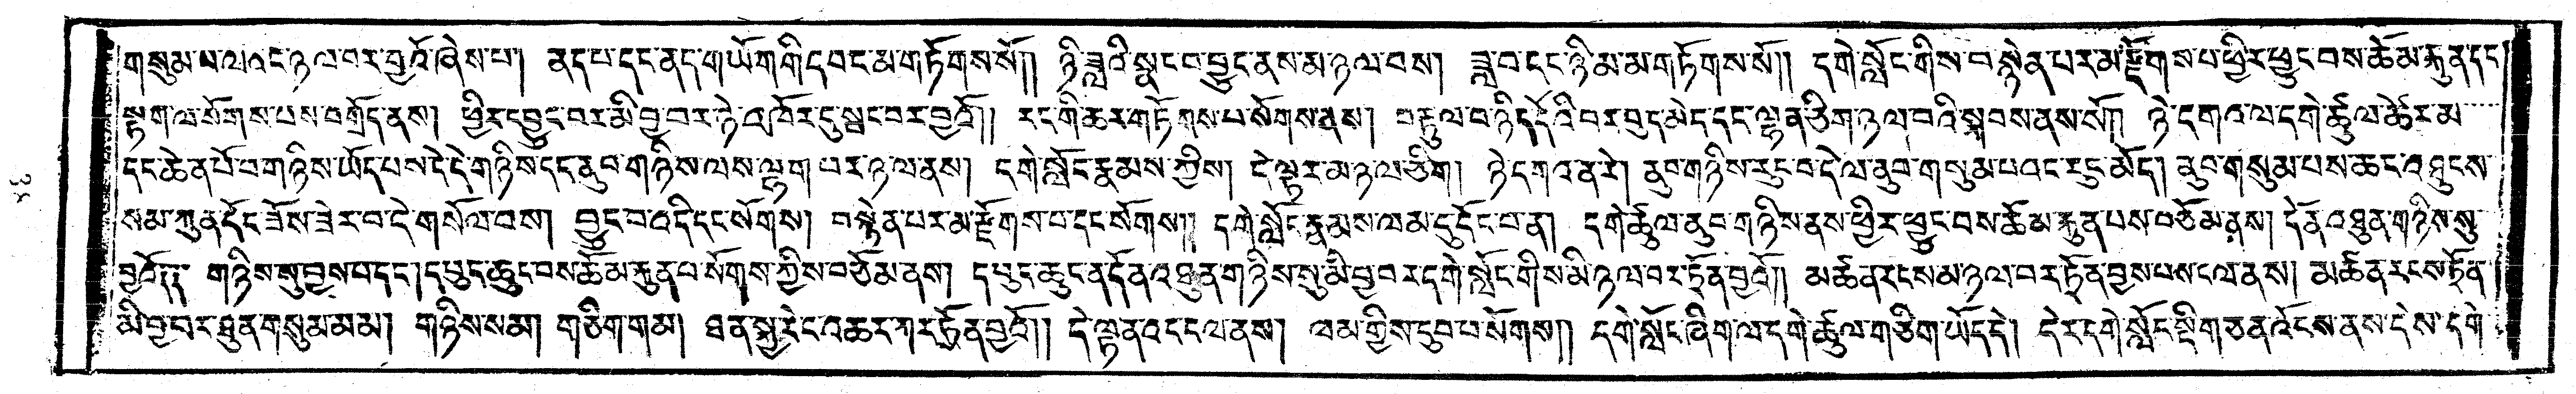གསུམ་པ་ལའང་ཉལ་བར་བྱའོ་ཞེས་པ། ནད་པ་དང་ནད་གཡོག་གི་དབང་མ་གཏོགས་སོ།། ཉི་ཟླའི་སྣང་བ་བྱུང་ནས་མ་ཉལ་བས། ཟླ་བ་དང་ཉི་མ་མ་གཏོགས་སོ།། དགེ་སློང་གིས་བསྙེན་པར་མ་རྫོགས་པ་ཕྱིར་ཕྱུང་བས་ཆོམ་རྐུན་དང་
སྟག་ལ་སོགས་པས་བགྲོད་ནས། ཕྱིར་དབྱུང་བར་མི་བྱ་བར་ཉེ་འཁོར་དུ་སྦང་བར་བྱའོ།། རང་གི་ཆར་གཏོགས་པ་སོགས་ནས། བརྟུལ་བ་ཉིད་དོའི་བར་བུད་མེད་དང་ལྷན་ཅིག་ཉལ་བའི་སྐབས་ནས་སོ།། ཉེ་དགའ་ལ་དགེ་ཚུལ་ཚེར་མ་
དང་ཆེན་པོ་གཉིས་ཡོད་པས་དེ་དེ་གཉིས་དང་ནུབ་གཉིས་ལས་ལྷག་པར་ཉ་ལ་ནས། དགེ་སློང་རྣམས་ཀྱིས། དེ་ལྟར་མ་ཉལ་ཅིག། ཉེ་དགའ་ན་རེ། ནུབ་གཉིས་རུང་བ་དེ་ལ་ནུབ་གསུམ་པའང་རུང་མོད། ནུབ་གསུམ་པས་ཆང་འཐུངས་
སམ་ཀུན་དོང་ཟོས་ཟེར་བ་དེ་གསོལ་བས། བྱུང་བ་འདི་དང་སོགས། བསྙེན་པར་མ་རྫོགས་པ་དང་སོགས། དགེ་སློང་རྣམས་ལམ་དུ་དོང་བ་ན། དགེ་ཚུལ་ནུབ་གཉིས་ནས་ཕྱིར་ཕྱུང་བས་ཆོམ་རྐུན་པས་བཅོམ་ནས། དོན་འཐུན་གཉིས་སུ་
བྱའོ༑༑ གཉིས་སུ་བྱས་པ་དང་། དཔུང་ཆུང་བས་ཆོམ་རྐུན་པ་སོགས་ཀྱིས་བཅོམ་ནས། དཔུང་ཆུང་ན་དོན་འཐུན་གཉིས་སུ་མི་བྱ་བར་དགེ་སློང་གིས་མི་ཉལ་བར་ཏྲོན་བྱའོ།། མཚན་རངས་མ་ཉལ་བར་ཏྲོན་བྱས་པས་ངལ་ནས། མཚན་རངས་ཏྲོན་
མི་བྱ་བར་ཐུན་གསུམ་མམ། གཉིས་སམ། གཅིག་གམ། ཐན་སྐྱ་རེང་འཆར་ཀར་ཏོན་བྱའོ།། དེ་ལྟ་ན་འང་ངལ་ནས། ལམ་གྱིས་དུབ་པ་སོགས།། དགེ་སློང་ཞིག་ལ་དགེ་ཚུལ་གཅིག་ཡོད་དེ། དེར་དགེ་སློང་སྡིག་ཅན་འོངས་ནས་དེས་དགེ་